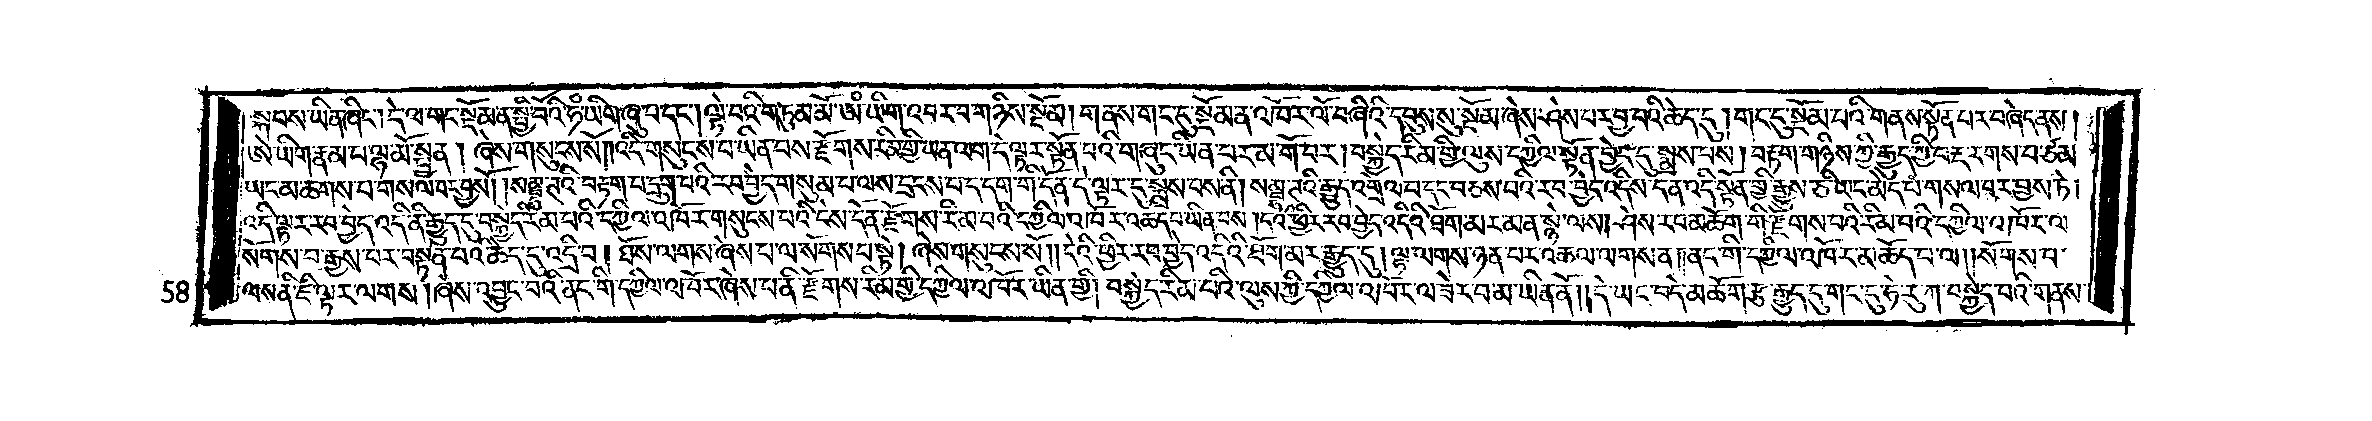སྐབས་ཡིན་ཞིང་། དེ་ལ་གང་སྡོམ་ན་སྤྱི་བོའི་ཧཾ་ཡིག་ཞུ་བ་དང་། ལྟེ་བའི་གཏུམ་མོ་ཨཾ་ཡིག་འབར་བ་གཉིས་སྡོམ། གནས་གང་དུ་སྡོམ་ན་འཁོར་ལོ་བཞིའི་དབུས་སུ་སྡོམ་ཞེས་ཤེས་པར་བྱ་བའི་ཆེད་དུ། གང་དུ་སྡོམ་པའི་གནས་སྟོན་པར་བཞེད་ནས།
ཨེ་ཡིག་རྣམ་པ་ལྷ་མོ་སྤྱན། ཞེས་གསུངས་སོ། །འདི་གསུངས་པ་ཡིན་པས་རྫོགས་རིམ་གྱི་ཡན་ལག་དེ་ལྟར་སྟོན་པའི་གཞུང་ཡིན་པར་མ་གོ་བར། བསྐྱེད་རིམ་གྱི་ལུས་དཀྱིལ་སྟོན་བྱེད་དུ་སྨྲས་པས། བརྟག་གཉིས་ཀྱི་རྒྱུད་ཀྱི་བརྡ་རགས་པ་ཙམ་
ཡང་མ་ཆགས་པ་གསལ་བར་བྱས་སོ། །སམྦྷུ་ཊའི་བརྟག་པ་དྲུག་པའི་རབ་བྱེད་གསུམ་པ་ལས་དྲངས་པ་དེ་དག་གི་དོན་དེ་ལྟར་དུ་སྨྲས་པས་ནི། སམྦྷུ་ཊའི་རྒྱུད་འགྲེལ་བ་དང་བཅས་པའི་རབ་བྱེད་འདིས་དོན་འདི་སྟོན་གྱི་རྒྱུས་ཅི་ཡང་མེད་པ་གསལ་པར་བྱས་ཏེ།
འདི་ལྟར་རབ་བྱེད་འདི་ནི་རྒྱུད་དུ་བསྐྱེད་རིམ་པའི་དཀྱིལ་འཁོར་གསུངས་པའི་ངེས་དོན་རྫོགས་རིམ་པའི་དཀྱིལ་འཁོར་འཆད་པ་ཡིན་པས། དེའི་ཕྱིར་རབ་བྱེད་འདིའི་ཐོག་མར་མན་སྙེ་ལས། ཤེས་རབ་མཆོག་གི་རྫོགས་པའི་རིམ་པའི་དཀྱིལ་འཁོར་ལ་
སོགས་པ་རྒྱས་པར་བསྟན་པའི་ཆེད་དུ་འདྲི་བ། ཐོས་ལགས་ཞེས་པ་ལ་སོགས་པ་སྟེ། ཞེས་གསུངས་སོ། །དེའི་ཕྱིར་རབ་བྱེད་འདིའི་ཐོག་མར་རྒྱུད་དུ། ལྷ་ལགས་ཉན་པར་འཆལ་ལགས་ན། །ནང་གི་དཀྱིལ་འཁོར་མཆོད་པ་ལ། །སོགས་པ་
ལས་ནི་ཇི་ལྟར་ལགས། ཞེས་འབྱུང་བའི་ནང་གི་དཀྱིལ་འཁོར་ཞེས་པ་ནི་རྫོགས་རིམ་གྱི་དཀྱིལ་འཁོར་ཡིན་གྱི། བསྐྱེད་རིམ་པའི་ལུས་ཀྱི་དཀྱིལ་འཁོར་ལ་ཟེར་བ་མ་ཡིན་ནོ། །དེ་ཡང་བདེ་མཆོག་རྩ་རྒྱུད་དུ་གང་དུ་ཧེ་རུ་ཀ་བསྐྱེད་པའི་གནས་